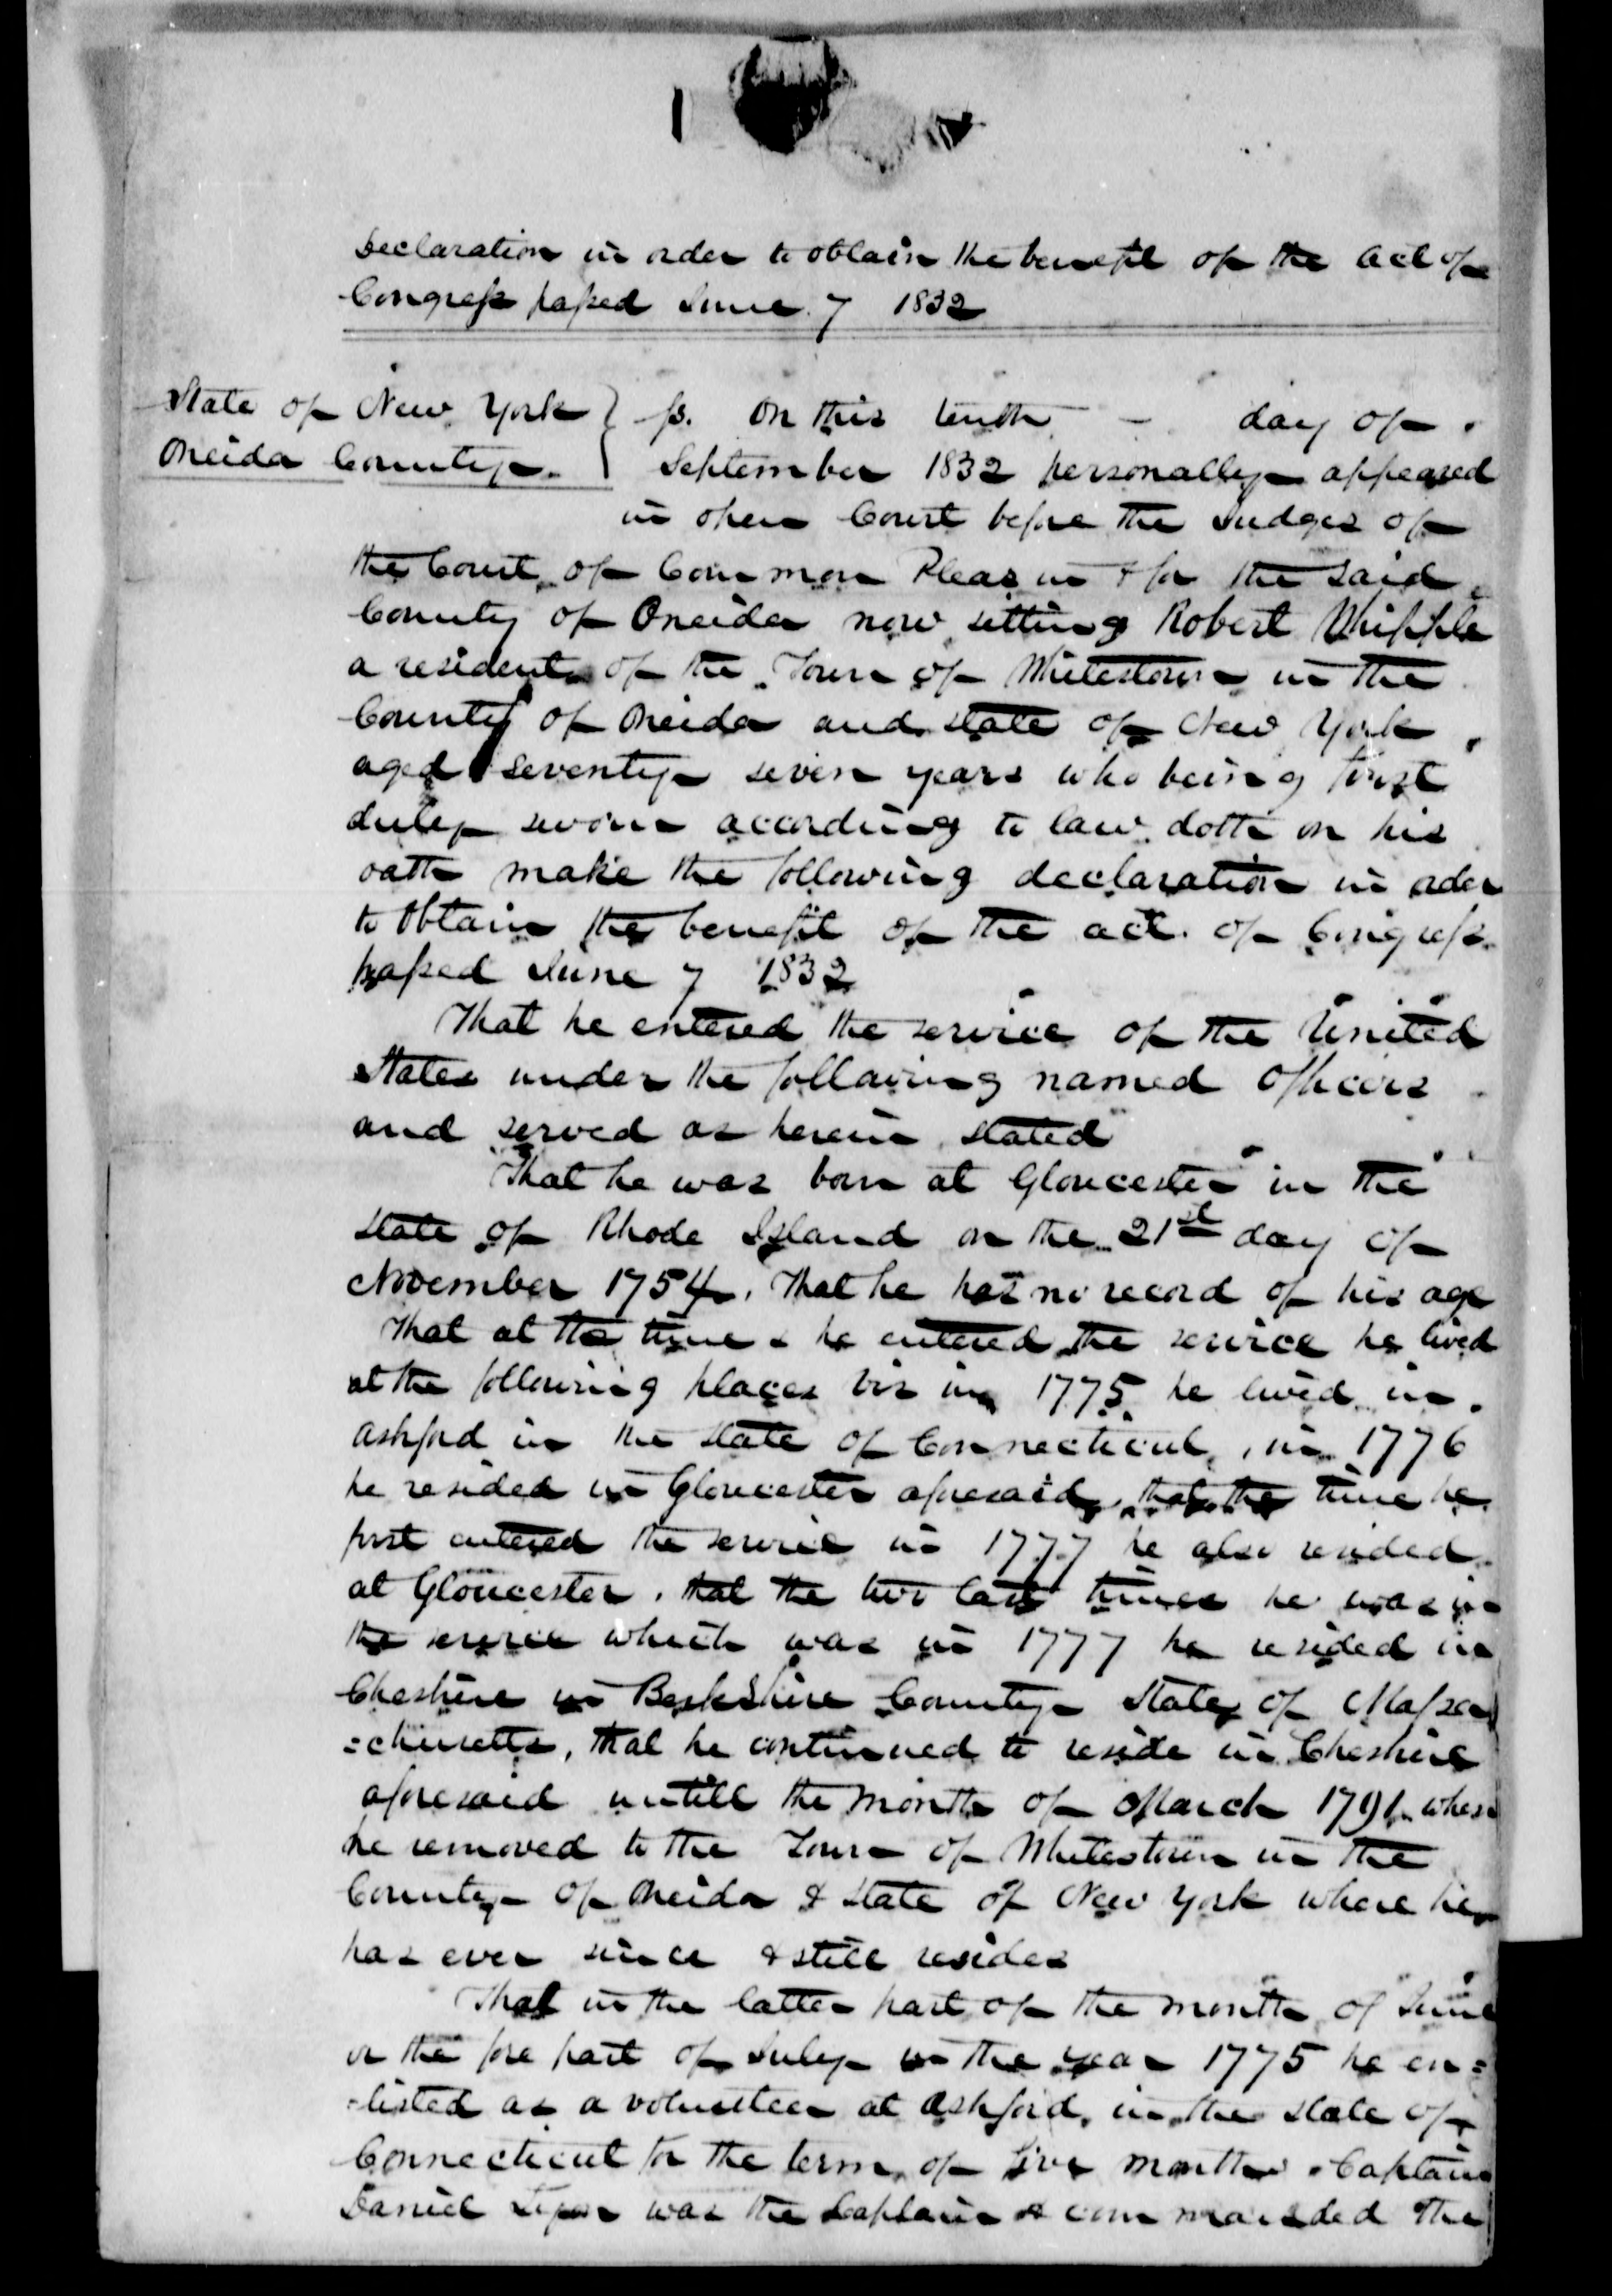Declaration in order to obtain the benefit of the Act of Congress passed June 7 1832

State of New York}
Oneida County} SS.  
On this tenth day of September 1832 personally appeared in open Court before the Judges of the Court of Common Pleas in & for the said County of Oneida now sitting Robert Whipple a resident of Oneida and state of New York, aged seventy-seven years who being first duly sworn according to law doth on his oath make the following declaration in order to obtain the benefit of the act of Congress passed June 7 1832.
That he entered the service of the United States under the following named officers and served as herein stated.
That he was born at Gloucester in the State of Rhode Island on the 21st day of November 1754.  That he has no record of his age that at the time he entered the service he lived at the following places vis in 1775 he lived in Ashford in the State of Connecticut, in 1776 he resided in Gloucester aforesaid.  That the time he first entered the service in 1777 he also resided at Gloucester, that the two last times he was in the service which was in 1777 he resided in Cheshire in Berkshire County- State of Massachusetts, that he continued to reside in Cheshire aforesaid untill the Month of March 1791, when he removed to the Town of Whitestown in the County of Oneida & State of New York where he has ever since & still resides
That in the latter part of the month of June or the fore part of July - in the year 1775 he enlisted as a volunteer at Ashford, in the State of Connecticut for the term of five months.  Captain Daniel Lyon was the Captain & commanded the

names: Daniel Lyon, Robert Whipple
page: 6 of 18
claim: survivor's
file: S. 11731, Robert Whippel, Continental Mass R. I.